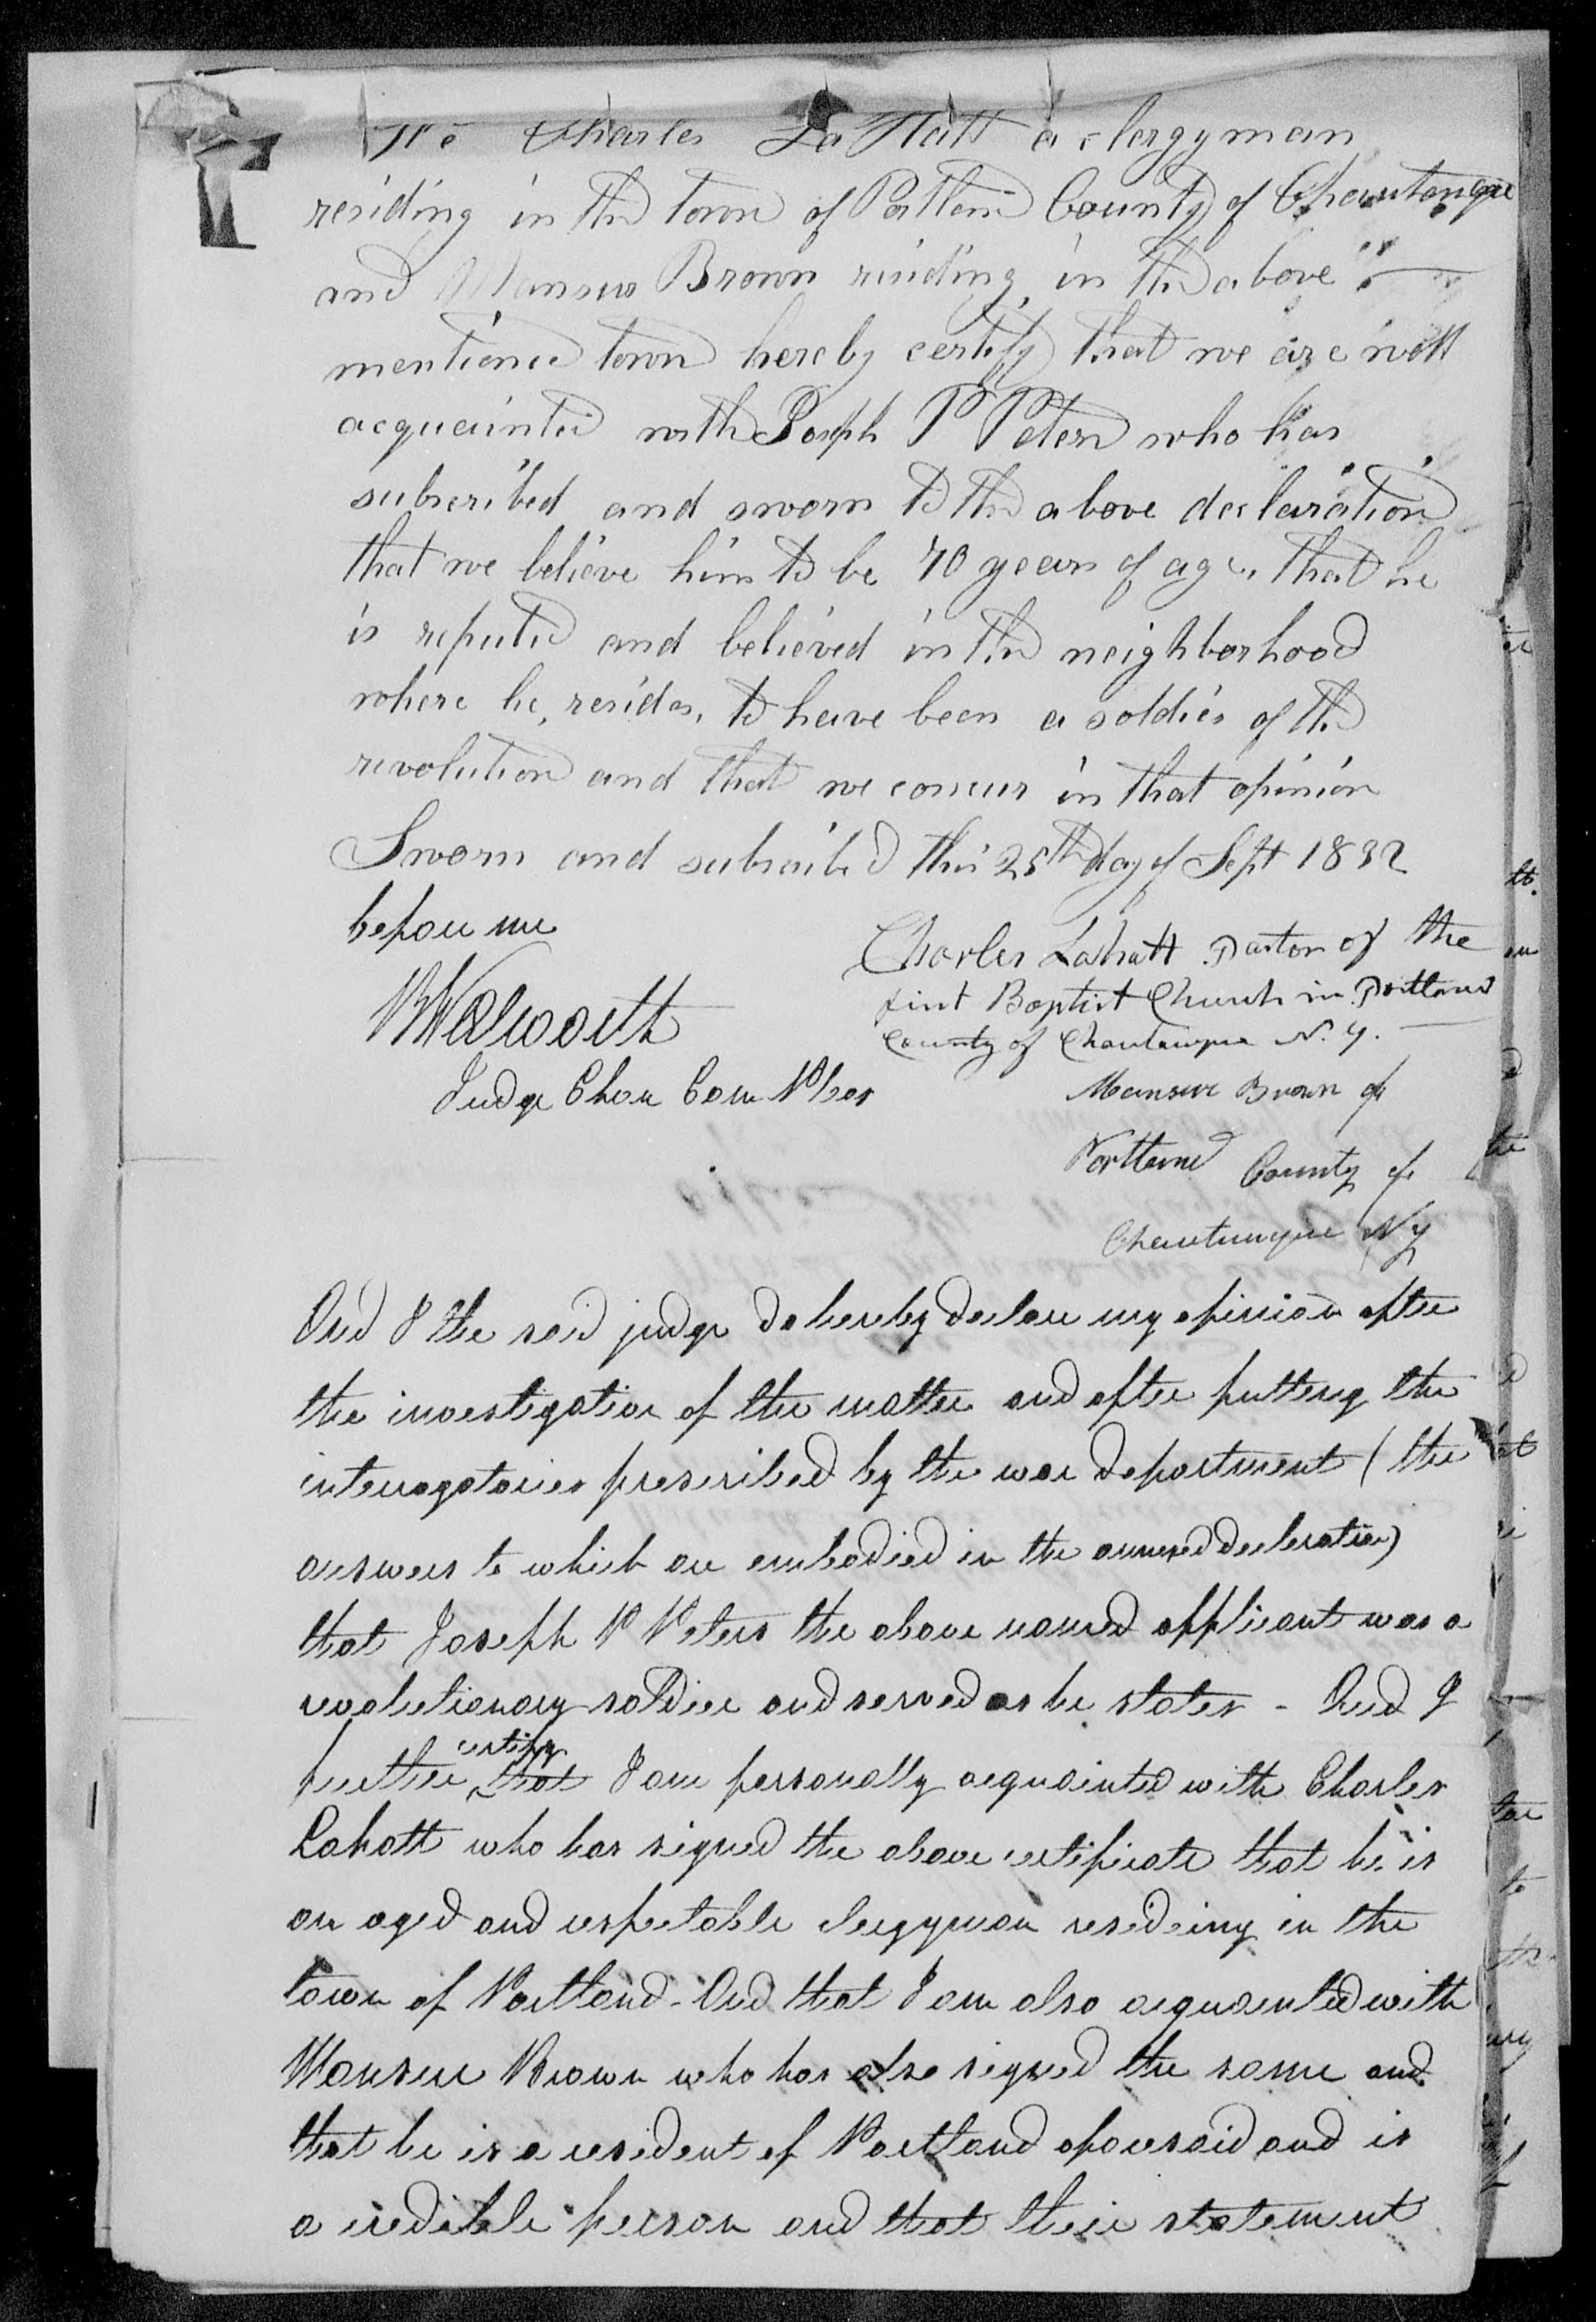We Charles Lahatt a clergyman residing in the town of Portland County of Chautauqua and Manseur Brown residing in the above mentioned town hereby certify that we are well  acquainted with Joseph P. Peters who has subscribed and sworn to the above declaration that we believe him to be 70 years of age, that he is reputed and believed in the neighborhood where he resides, to have been a soldier of the revolution and that we concur in that opinion. 
Charles Lahatt pastor of the first Baptist Church in Portland County of Chatauqua N.Y.
Manseur Brown of Portland County of Chatauqua  NY
Sworn and subscribed this 25th day of Sept 1832 before me 
B. Walworth 
And I the said judge do hereby declare my opinion after the investigation of the matter and after putting the interrogatories prescribed by the war deportment (the answers to which an embodied in the annexed declaration) that Joseph P Peters the above named applicant was a revolutionary soldier and served as he states. And I further certify that I am personally acquainted with Charles Lahatt who has signed the above certificate that he is an aged and  respectable clergyman residing in the town of Portland. And that now also acquainted with Manseur Brown who has also signed the same and that he is a resident of Portland aforesaid and is a credible person and that their statement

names: B Walworth; Joseph P Peters; Mansur Brown; Charles Lahatt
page: 15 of 73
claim: widow's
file: W. 2338, for Joseph P Peters, Connecticut